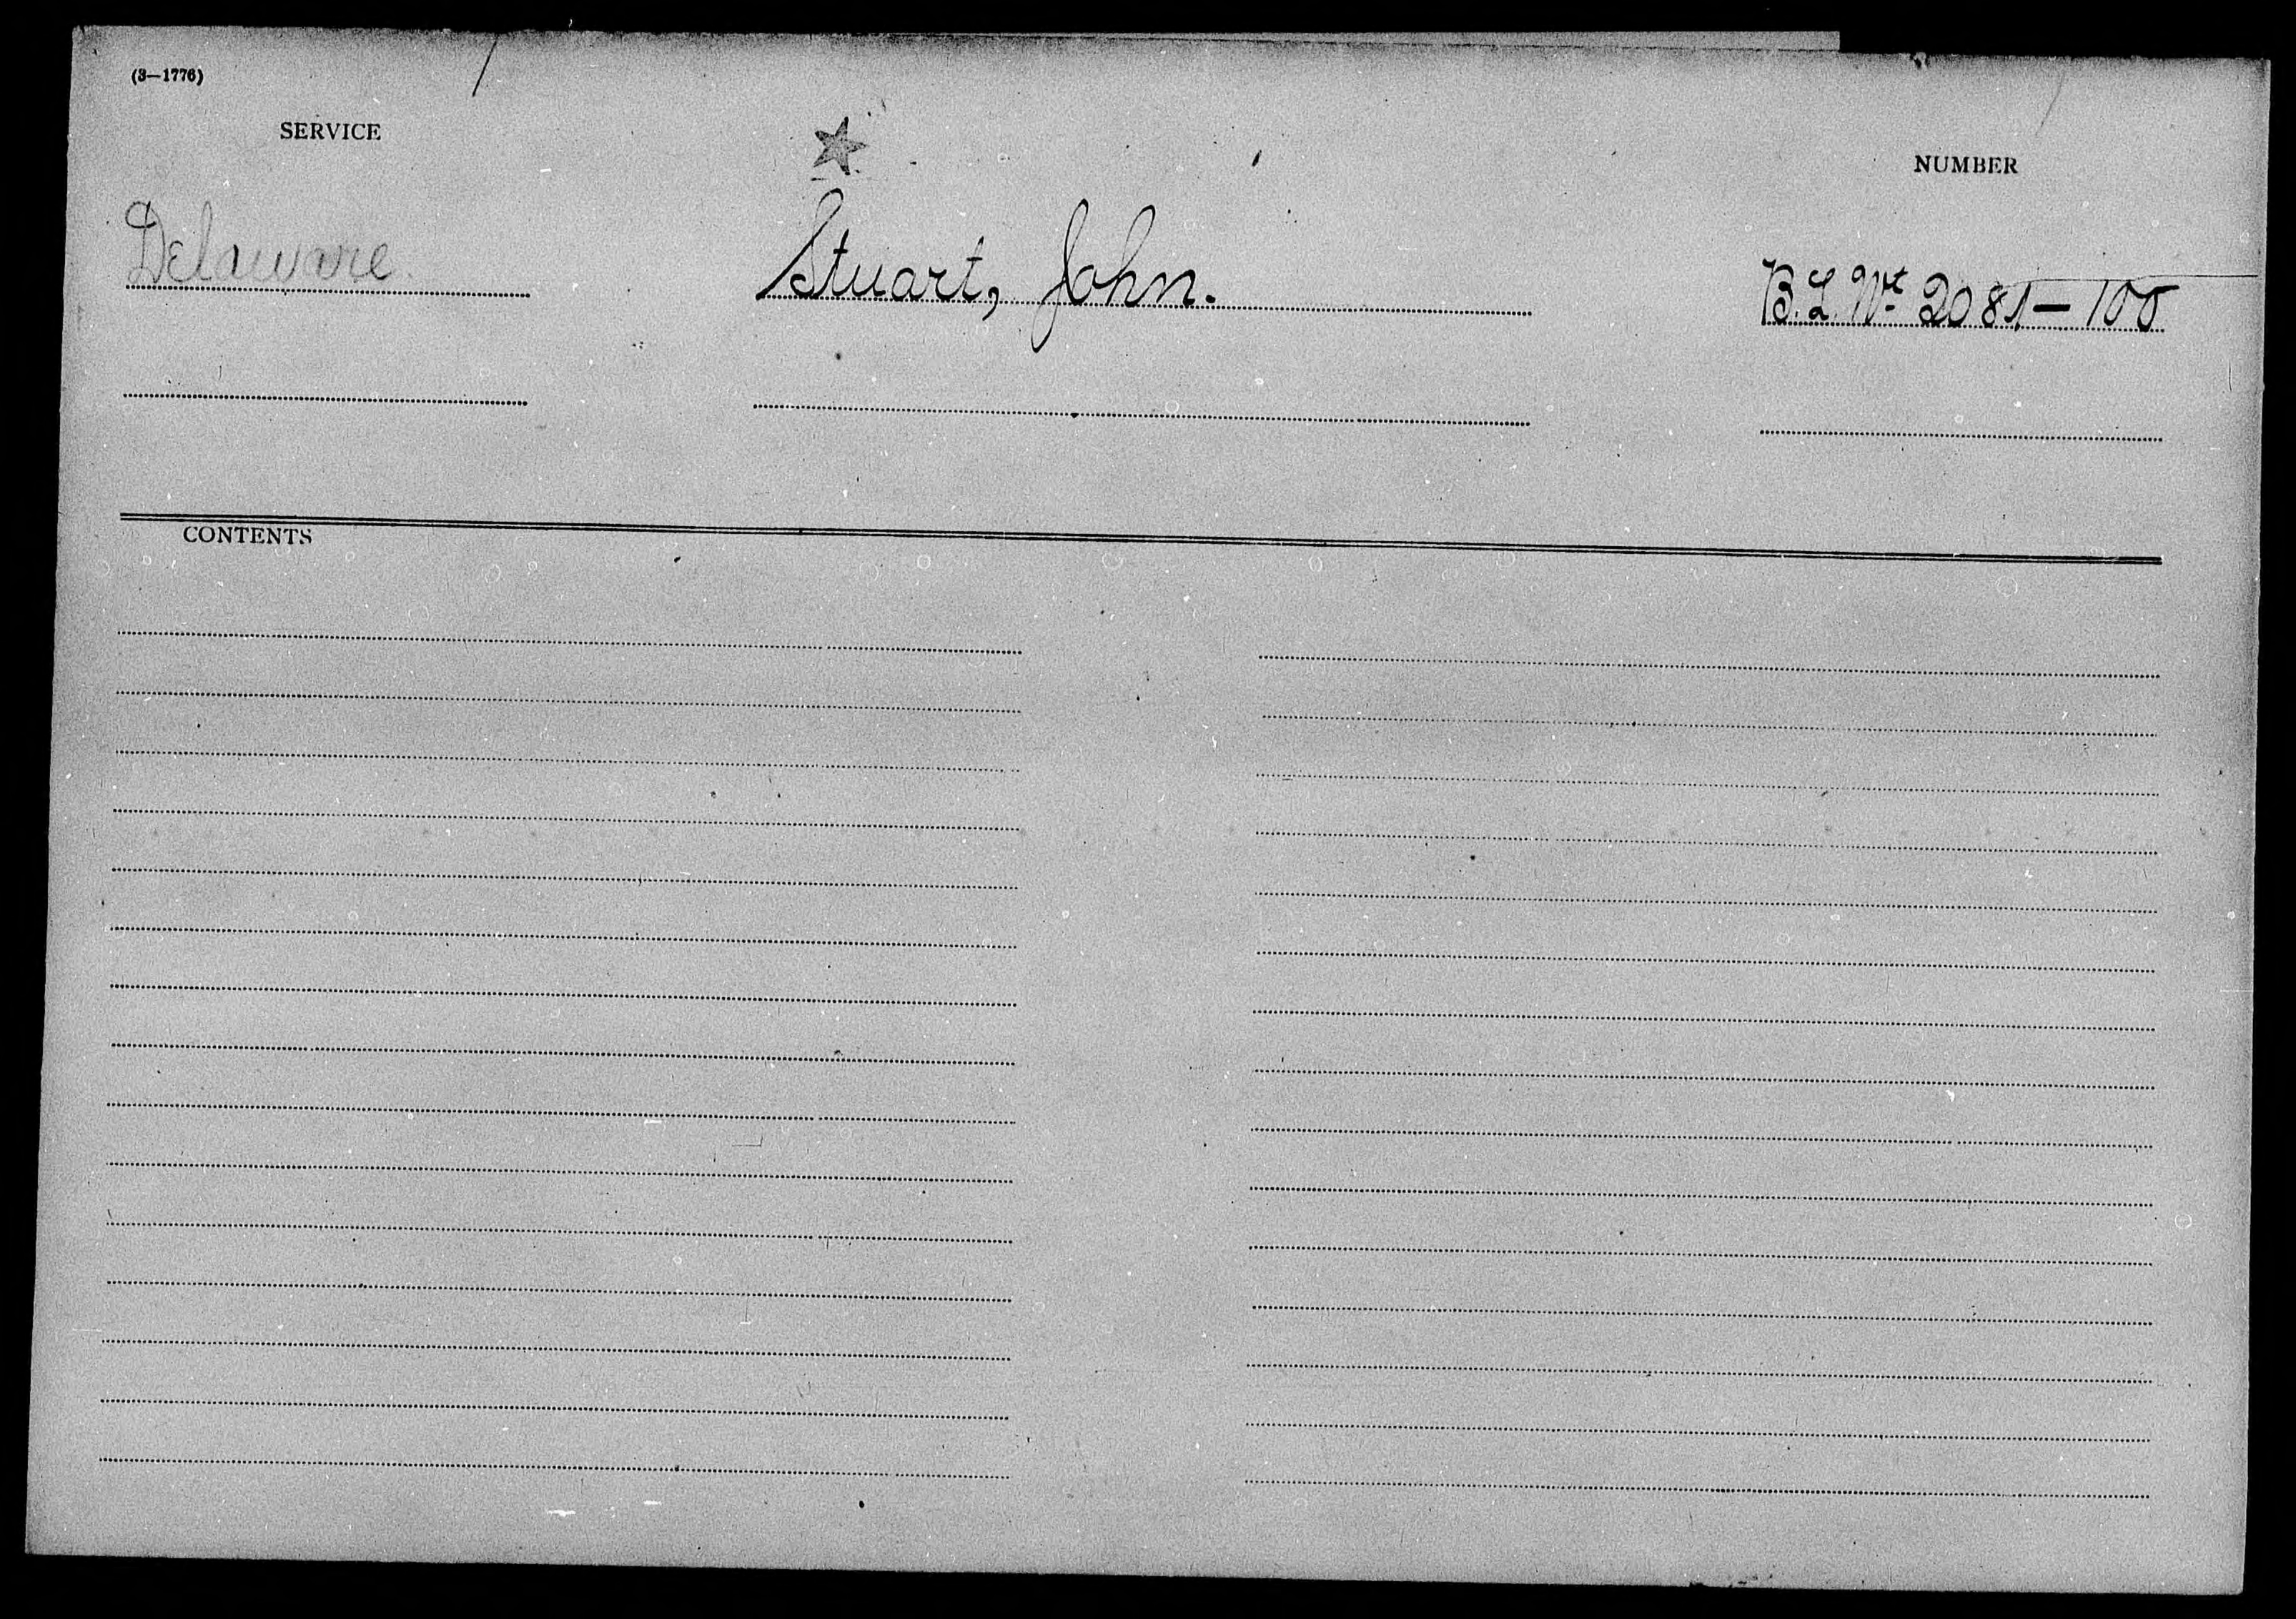(3-1776)

SERVICE
Delaware

Stuart, John.

NUMBER
B.L. Wt. 2081-100

CONTENTS
[blank]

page: 1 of 9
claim: bounty land warrant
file: B. L. Wt. 2081-100, for John Stuart, Delaware